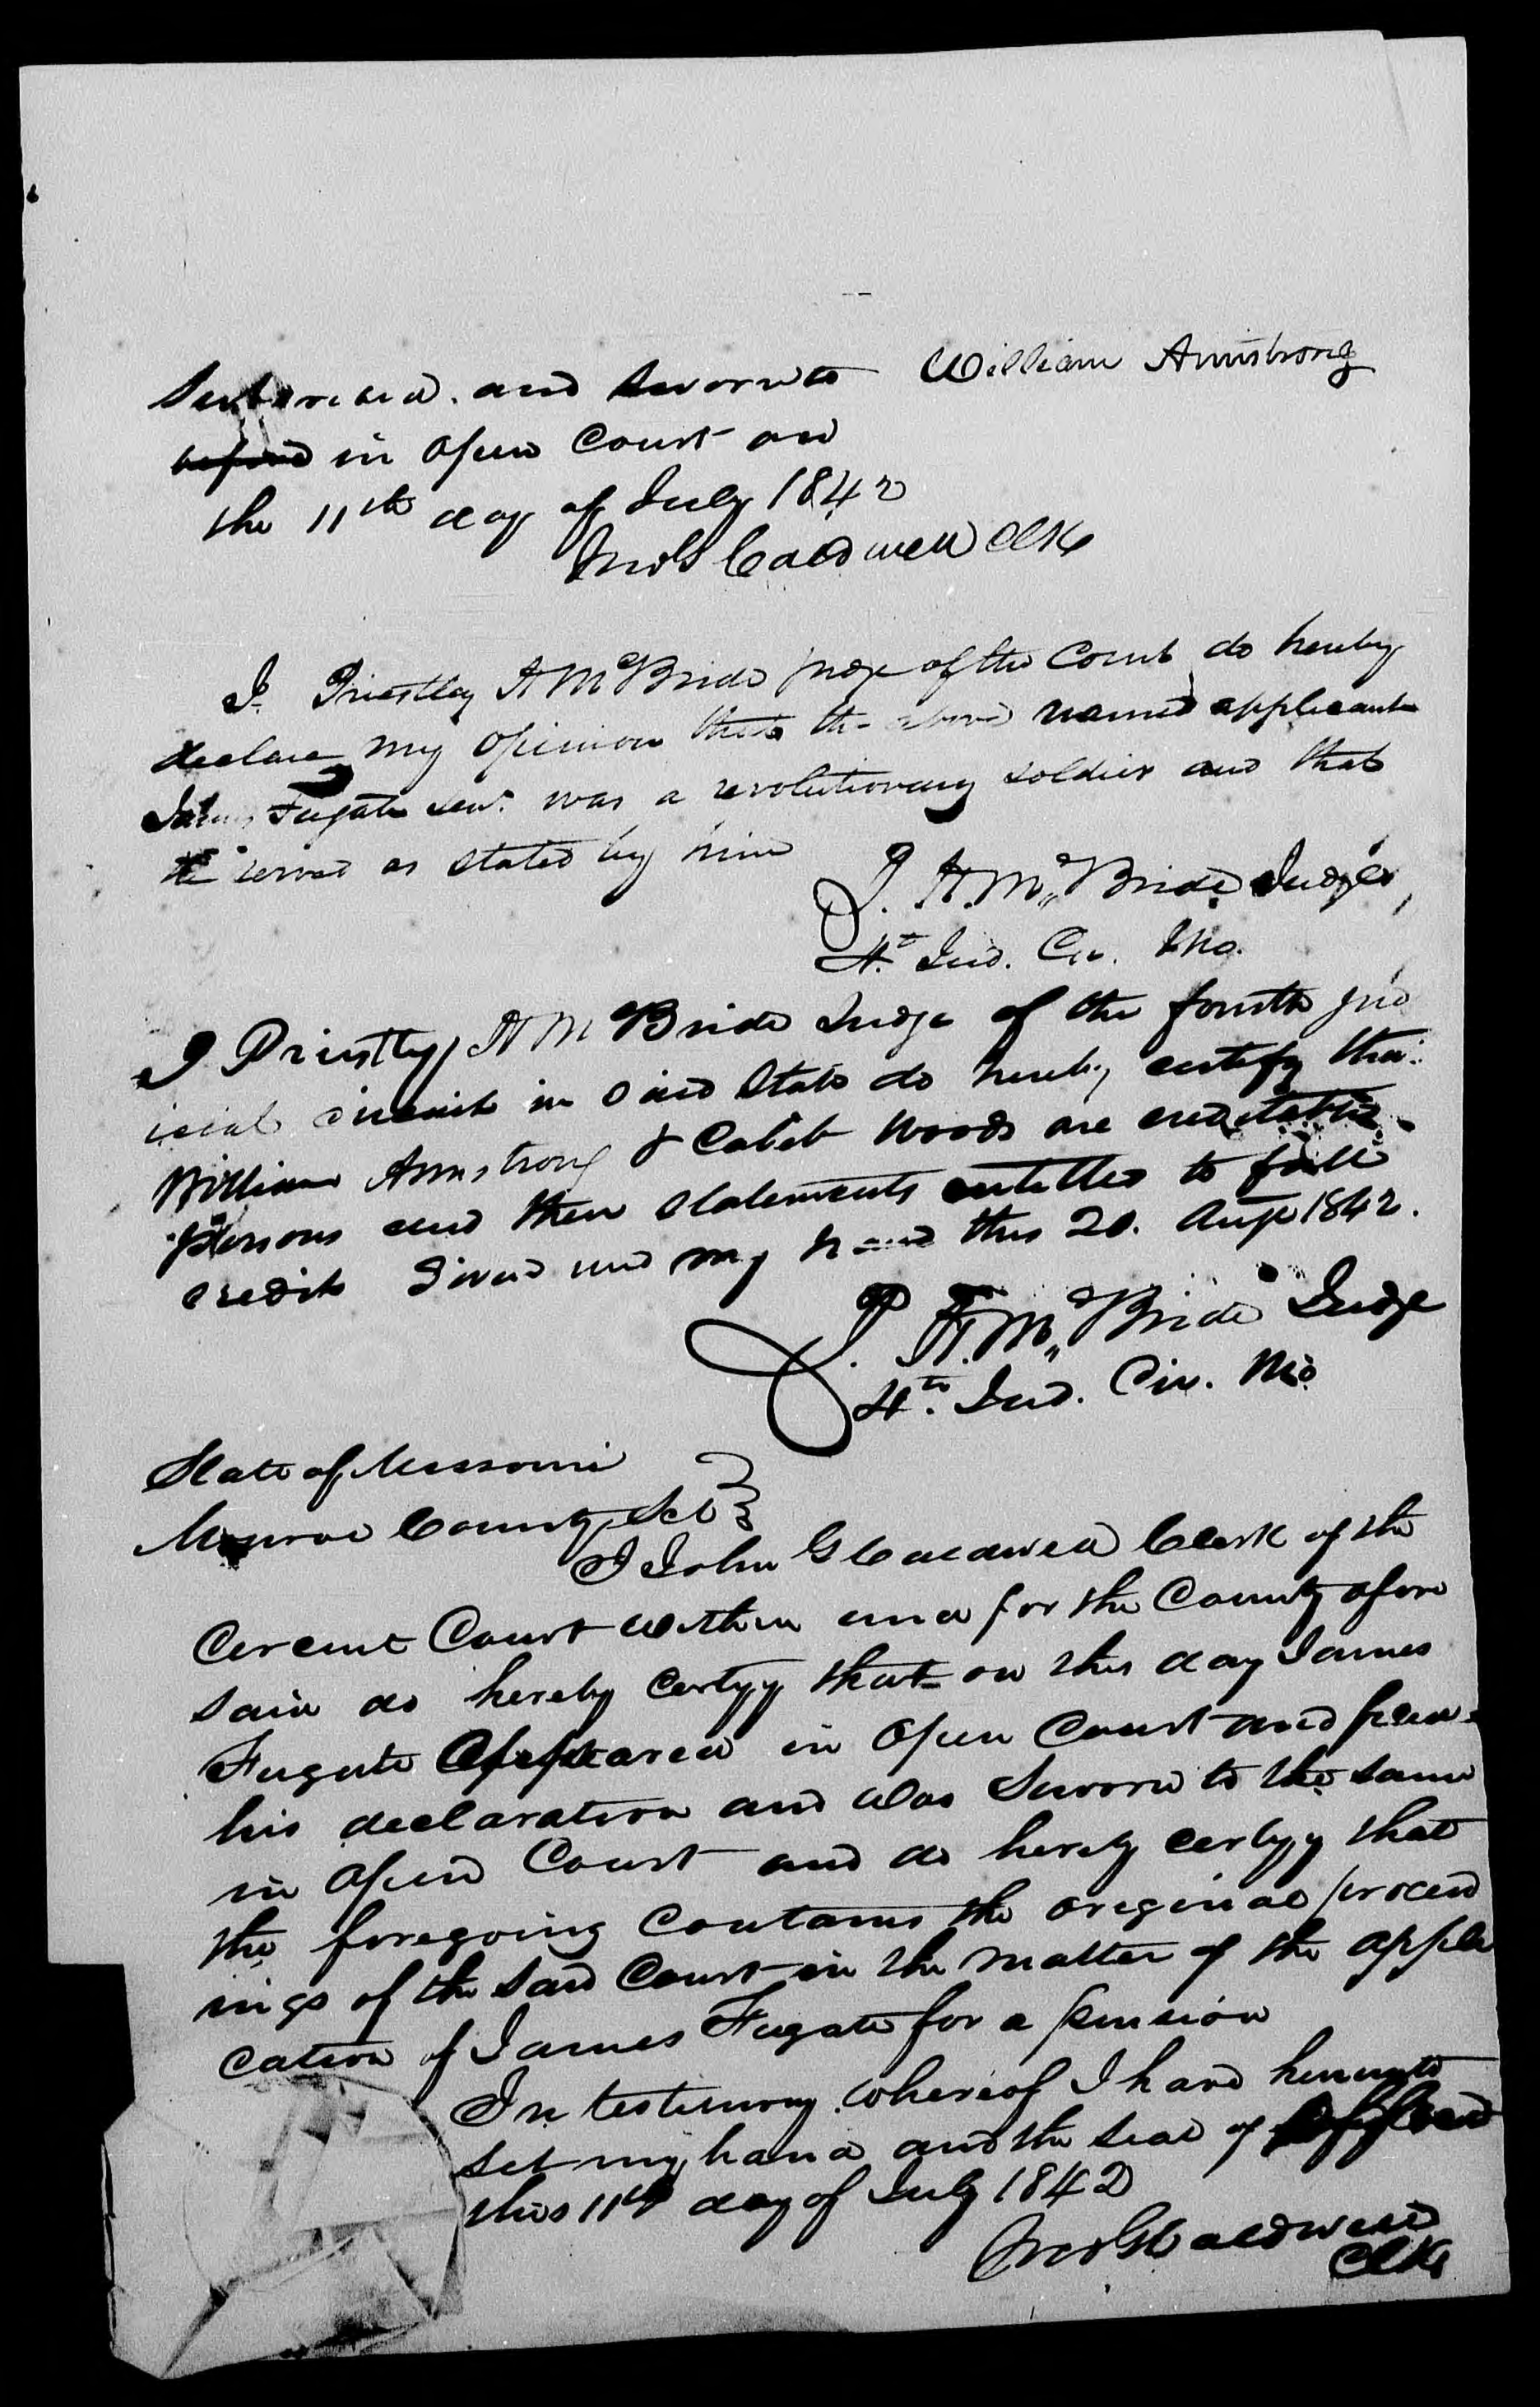Subscribed and Sworn to William Armstrong [crossed-out][illegible] in open court on the 11th day of July 1842 [signed] Jno G Caldwell
I Priestley H McBride judge of the Court do hereby declare my opinion that the above named applicant James Fugate Sen. was a revolutionary soldier and that served as stated by him 
[signed] P. H. McBride Judge 11th Jud. Cir. Jno. 
I Priestley H McBride Judge of the fourth Jno [illegible] circuit in [illegible] state do hereby certify that William Armstrong [and] Caleb Woods are credited [ink-blotted][illegible] pensions and then statements entitled to full credit given and my hand this 20 [illegible] 1842 
[signed] P. H. McBride Judge 11th Jud. Cir. Jno.
State of Missouri 
Monroe County sd
I John G Caldwell Cleric of the Current Court within and for the County afore said do hereby certify that on this day James Fugate appeared in Open Court and [illegible] his declaration and was Sworn to take [illegible] in open court and do hereby certify that the foregoing coutams the oreginal proceed in so of the said court in the matter of the application of James Fugate for a pension 
In testimony whereof I hand [illegible] my hand and the seal of [ink-blotted][illegible] this 11th day of July 1842 
[signed] Jno G Caldwell [illegible]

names: Jno G Caldwell, P H Mc Bride, John G Caldwell, William Armstrong, William Armstrong, P H Mc Bride, Jno G Caldwell, Priestley H Mc Bride, James Fugate, James Fugate, Caleb Woods, Priestley H Mc Bride, James Fugate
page: 14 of 18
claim: survivor's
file: S. 15,846, James Fugate, Va.